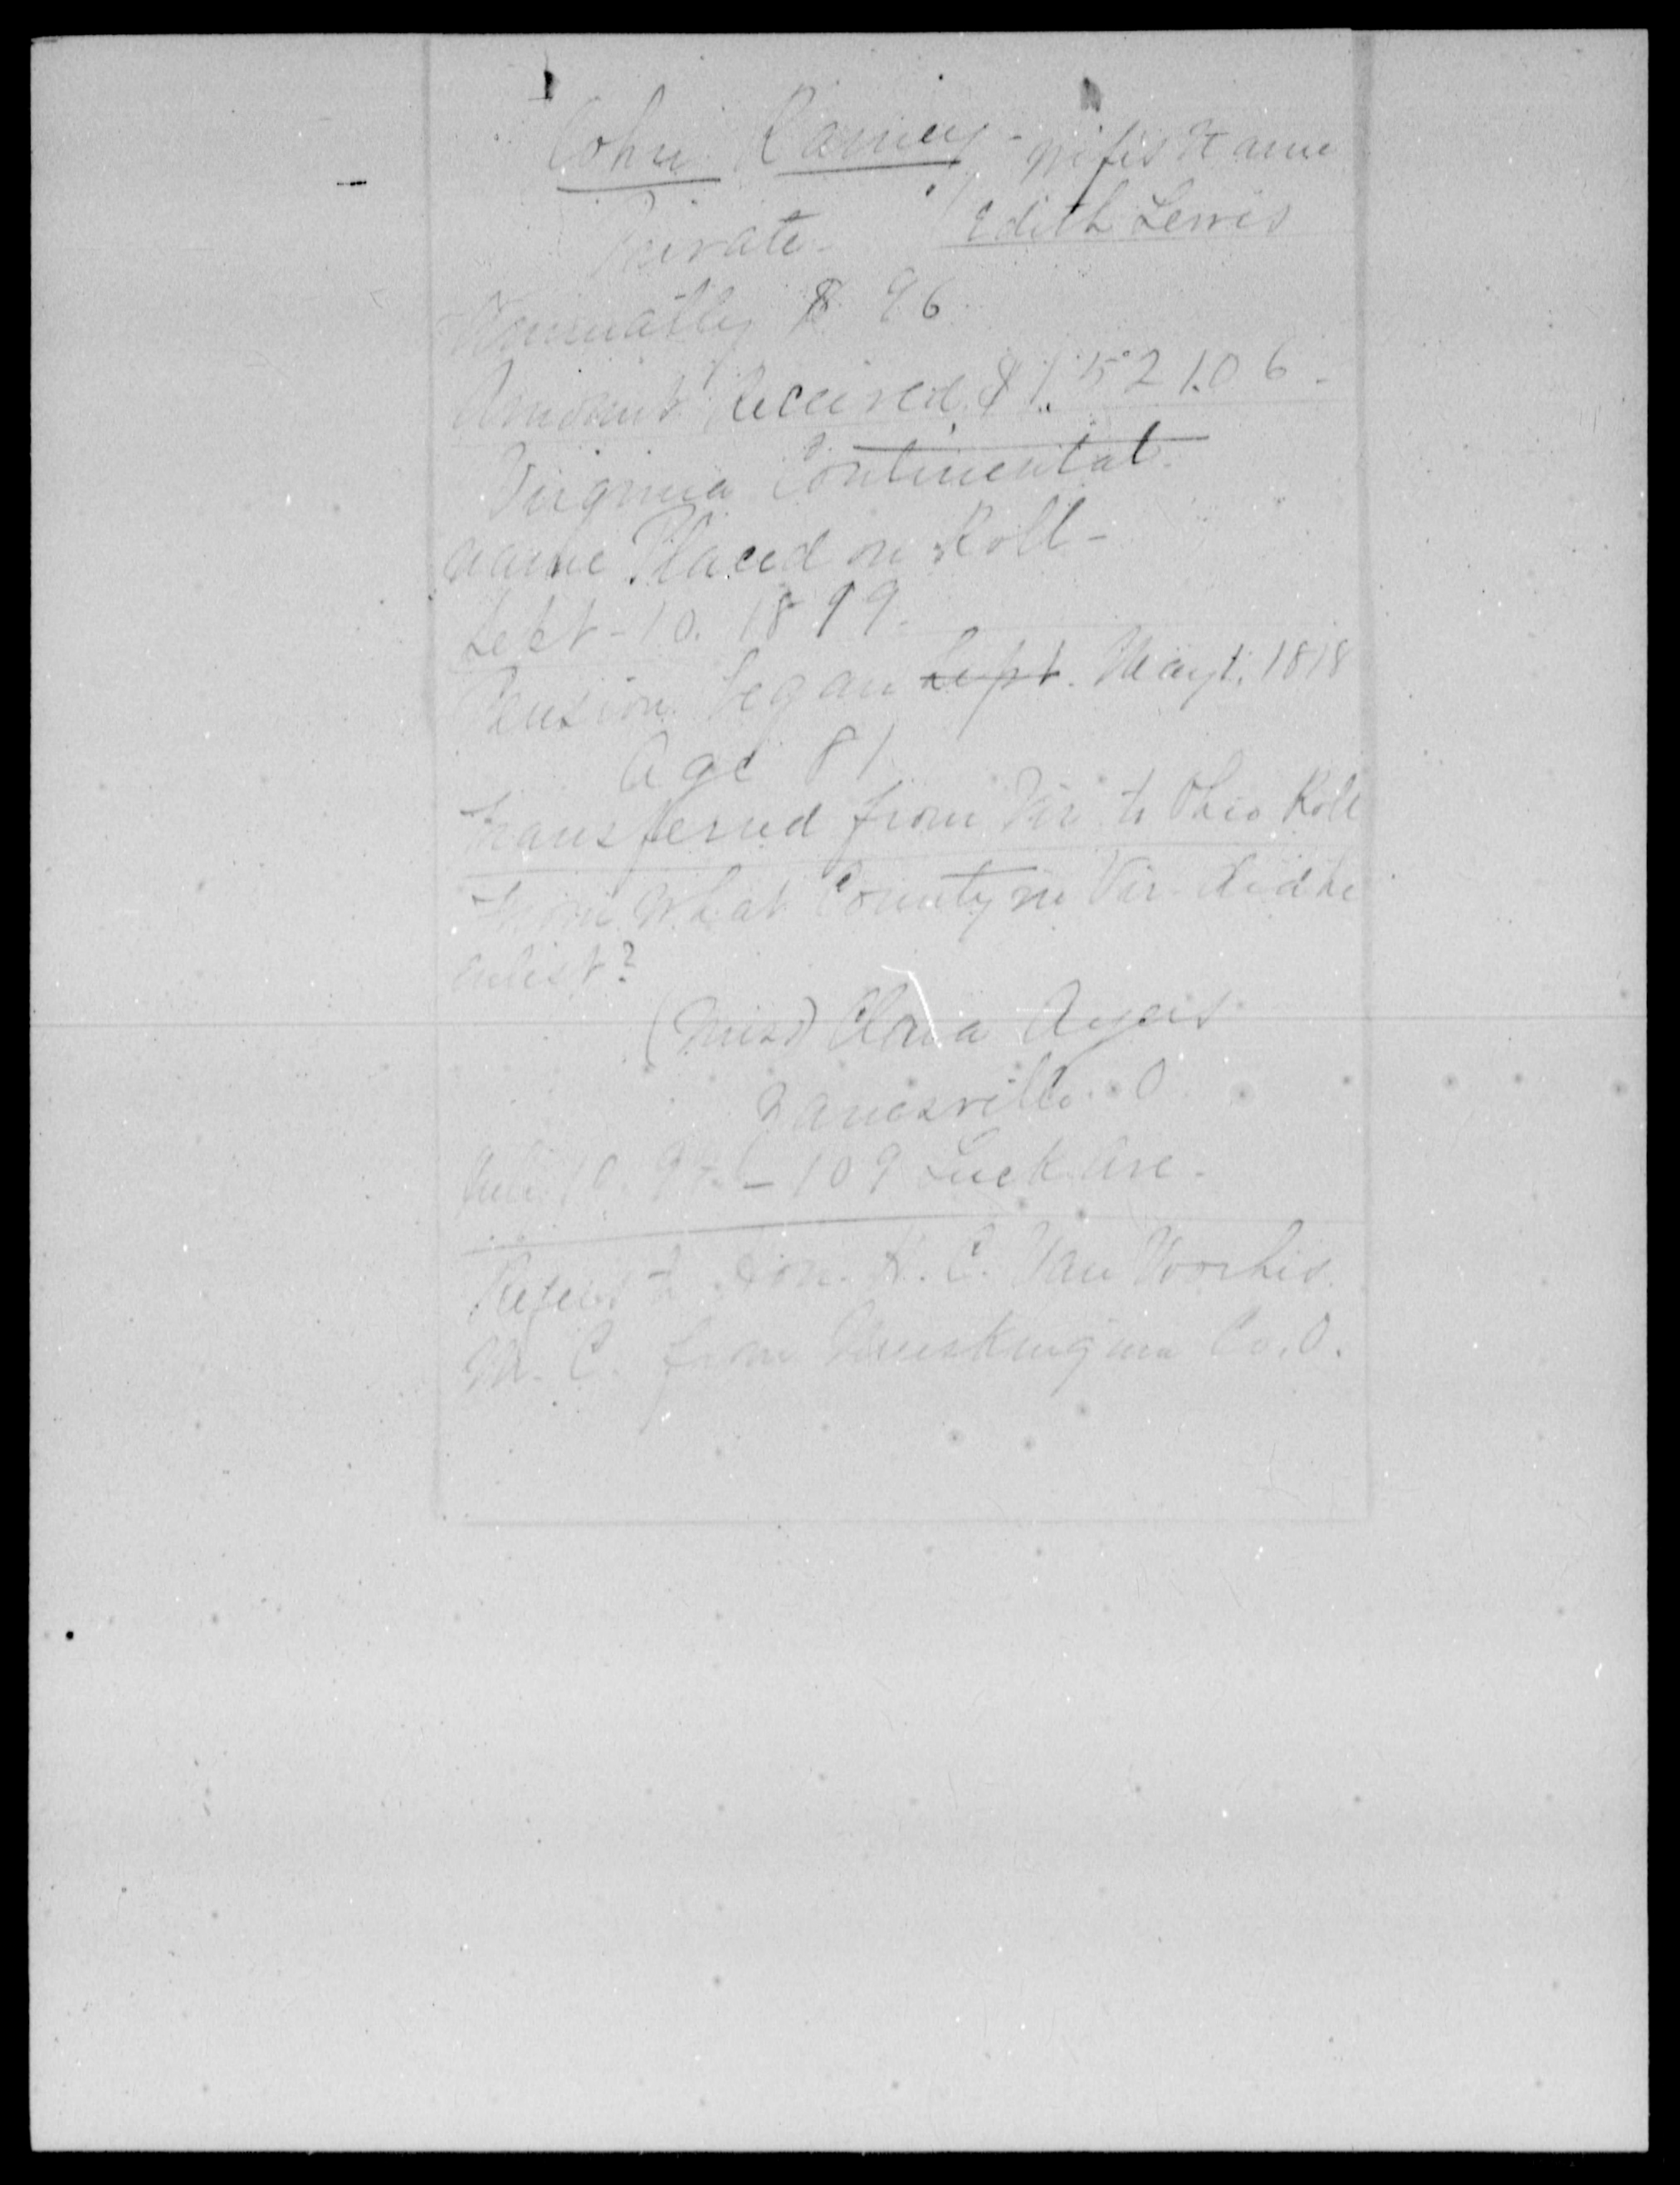John Ramey - wife's name
Private - Edith Lewis
Annually $96
Amdmt Received $1521.06-
Virginia Continental
name Placed on Roll-
Sept - 10. 1899
Pension began May 1, 1818
Age 81
Transferred from Vir. to Ohio Roll
From what County in Vir. did he enlist?
(Miss) Clara Ayers
Zanesville O
July 10, 94 - 109 Luck Ave.
Refers to Hon. H. C. Van Voorhis
M. C. from Muskingum Co. O.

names: H C Van Voorhis; John Ramey; Clara Ayers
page: 26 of 84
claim: widow's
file: W.11104, for John Remay, Virginia